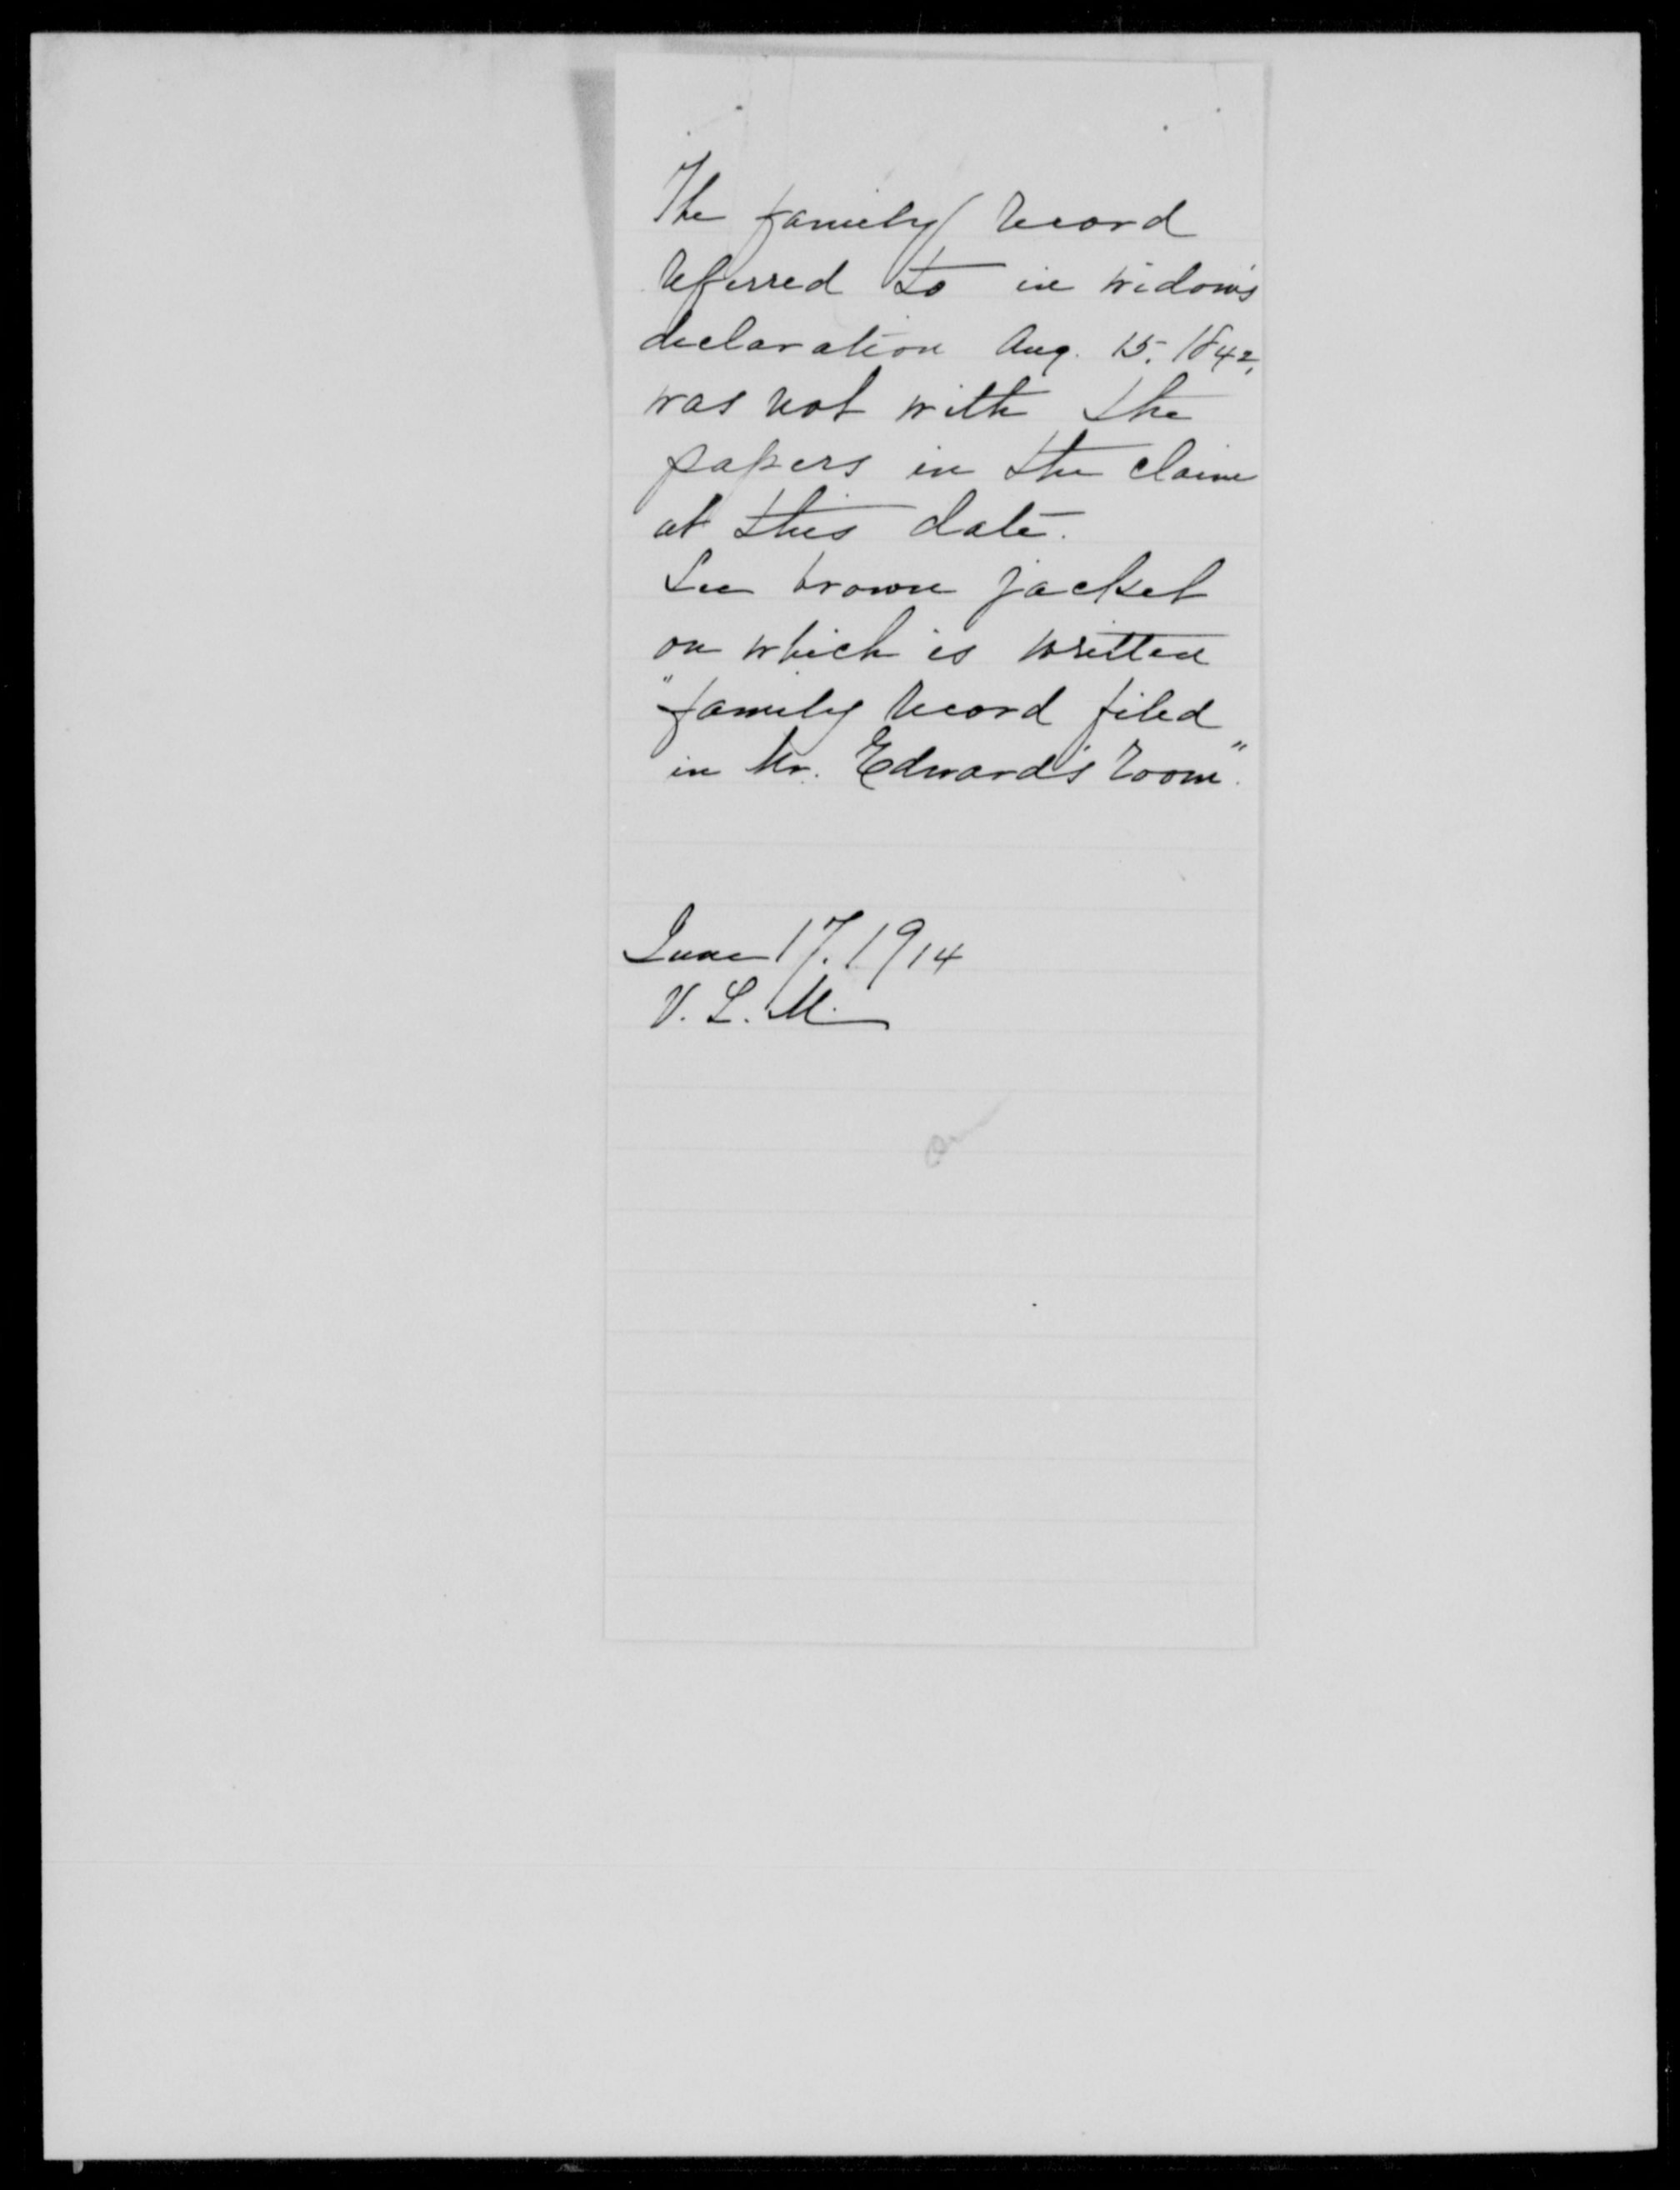The family record
referred to in widow's 
declaration Aug. 15, 1842,
was not with the
 papers in the claim
at this date.
See brown jacket
on which is written
"family record filed
in Hr. Edward's Room."

June 17, 1914
V. L. M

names: Edwards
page: 35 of 40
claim: widow's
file: W. 3742, Moses Warner, Conn.